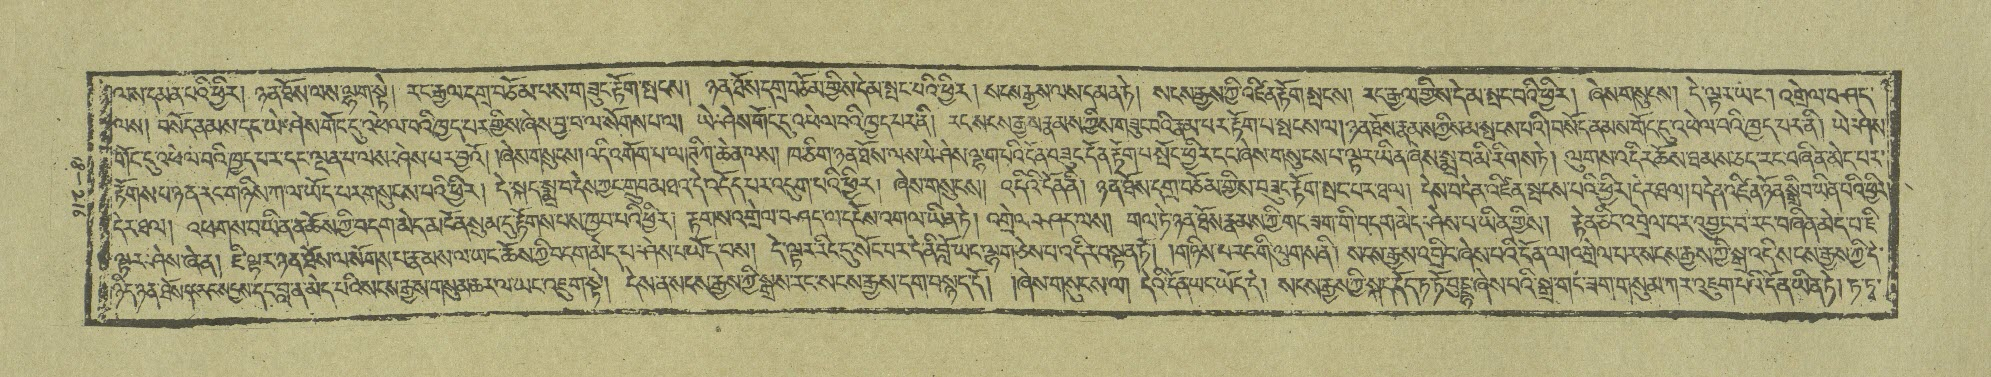ལས་དམན་པའི་ཕྱིར། ཉན་ཐོས་ལས་ལྷག་སྟེ། རང་རྒྱལ་དགྲ་བཅོམ་པས་གཟུང་རྟོག་སྤངས། ཉན་ཐོས་དགྲ་བཅོམ་གྱིས་དེ་མ་སྤང་བའི་ཕྱིར། སངས་རྒྱས་ལས་དམན་ཏེ། སངས་རྒྱས་ཀྱི་འཛིན་རྟོག་སྤངས། རང་རྒྱལ་གྱིས་དེ་མ་སྤང་བའི་ཕྱིར། ཞེས་གསུངས། དེ་ལྟར་ཡང་། འགྲེལ་བཤད་
ལས། བསོད་ནམས་དང་ཡེ་ཤེས་གོང་དུ་འཕེལ་བའི་ཁྱད་པར་གྱིས་ཞེས་བྱ་བ་ལ་སོགས་པ་ལ། ཡེ་ཤེས་གོང་དུ་འཕེལ་བའི་ཁྱད་པར་ནི། རང་སངས་རྒྱས་རྣམས་ཀྱིས་གཟུང་བའི་རྣམ་པར་རྟོག་པ་སྤངས་ལ། ཉན་ཐོས་རྣམས་ཀྱིས་མ་སྤངས་པའི། བསོད་ནམས་གོང་དུ་འཕེལ་བའི་ཁྱད་པར་ནི། ཡེ་ཤེས་
གོང་དུ་འཕེལ་བའི་ཁྱད་པར་དང་ལྡན་པ་ལས་ཤེས་པར་བྱའོ། །ཞེས་གསུངས། འདི་འགོག་པ་ལ། ཊཱིཀ་ཆེན་ལས། ཁ་ཅིག་ཉན་ཐོས་ལས་ཡེ་ཤེས་ལྷག་པའི་དོན་བཟུང་དོན་རྟོག་པ་སྤོང་ཕྱིར་དང་ཞེས་གསུངས་པ་ལྟར་ཡིན་ཞེས་སྨྲ་བ་མི་རིགས་ཏེ། ལུགས་འདིར་ཆོས་ཐམས་ཅད་རང་བཞིན་མེད་པར་
རྟགས་པ་ཉན་རང་གཉིས་ཀ་ལ་ཡོད་པར་གསུངས་པའི་ཕྱིར། དེ་སྐད་སྨྲ་བ་དེས་ཀྱང་གྲུབ་མཐའ་དེ་འདོད་པར་འདུག་པའི་ཕྱིར། ཞེས་གསུངས། འདིའི་དོན་ནི། ཉན་ཐོས་དགྲ་བཅོམ་གྱིས་བཟུང་རྟོག་སྤང་བར་ཐལ། དེས་བདེན་འཛིན་སྤངས་པའི་ཕྱིར། དེར་ཐལ། བདེན་འཛིན་ཉོན་སྒྲིབ་ཡིན་པའི་ཕྱིར་
དེར་ཐལ། འཕགས་པ་ཡིན་ན་ཆོས་ཀྱི་བདག་མེད་མངོན་སུམ་དུ་རྟོགས་པས་ཁྱབ་པའི་ཕྱིར། རྟགས་འགྲེལ་བཤད་ལ་དངོས་འགལ་ཡིན་ཏེ། འགྲེལ་བཤད་ལས། གལ་ཏེ་ཉན་ཐོས་རྣམས་ཀྱི་གང་ཟག་གི་བདག་མེད་ཤེས་པ་ཡིན་གྱིས། རྟེན་ཅིང་འབྲེལ་བར་འབྱུང་བ་རང་བཞིན་མེད་པ་ཇི་
ལྟར་ཤེས་ཞེ་ན། ཇི་ལྟར་ཉན་ཐོས་ལ་སོགས་པ་རྣམས་ལ་ཡང་ཆོས་ཀྱི་བདག་མེད་པ་ཤེས་པ་ཡོད་པས། དེ་ལྟར་རིང་དུ་སོང་བར་དེ་ནི་བློ་ཡང་ལྷག་ཅེས་པ་འདིར་བསྟན་ཏོ། །གཉིས་པ་རང་གི་ལུགས་ནི། སངས་རྒྱས་འབྲིང་ཞེས་པའི་དོན་ལ། འགྲེལ་པར་སངས་རྒྱས་ཀྱི་སྒྲ་འདི་སངས་རྒྱས་ཀྱི་དེ་
ཉིད་ཉན་ཐོས་དང་རང་སངས་རྒྱས་དང་བླ་ན་མེད་པའི་སངས་རྒྱས་གསུམ་ཆར་ལ་ཡང་འཇུག་སྟེ། དེས་ན་སངས་རྒྱས་ཀྱི་སྒྲས་རང་སངས་རྒྱས་དག་བསྙད་དོ། །ཞེས་གསུངས་ལ། དེའི་དོན་ཡང་ཡོད་དེ། སངས་རྒྱས་ཀྱི་སྐད་དོད་ཏ་ཏོ་བུདྡྷ་ཞེས་པའི་སྒྲ་གང་ཟག་གསུམ་ཀར་འཇུག་པའི་དོན་ཡིན་ཏེ། ཏ་ཏྭ་